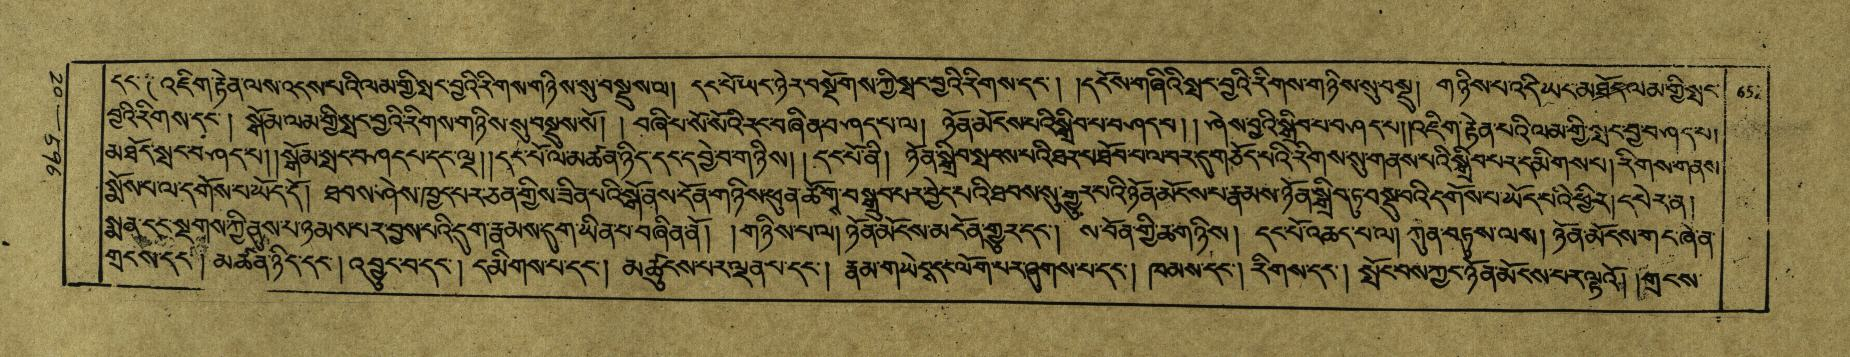དང༑ འཇིག་རྟེན་ལས་འདས་པའི་ལམ་གྱི་སྤང་བྱའི་རིགས་གཉིས་སུ་བསྡུས་ལ། དང་པོ་ཡང་ཉེར་བསྔོས་ཀྱི་སྤང་བྱའི་རིགས་དང་། །དངོས་གཞིའི་སྤང་བྱའི་རིགས་གཉིས་སུ་བསྡུ། གཉིས་པ་འདི་ཡང་མཐོད་ལམ་གྱི་སྤང་
བྱའི་རིགས་དང་། སྒོམ་ལམ་གྱི་སྤང་བྱའི་རིགས་གཉིས་སུ་བསྡུས་སོ། །བཞི་པ་སོ་སོའི་རང་བཞིན་བཤད་པ་ལ། ཉོན་མོངས་པའི་སྒྲིབ་པ་བཤད་པ། །ཤེས་བྱའི་སྒྲིབ་པ་བཤད་པ། །འཇིག་རྟེན་པའི་ལམ་གྱི་སྤང་བྱ་བཤད་པ།
མཐོད་སྤང་བཤད་པ། །སྒོམ་སྤང་བཤད་པ་དང་ལྔ། །དང་པོ་ལ་མཚན་ཉིད་དང་དབྱེ་བ་གཉིས། །དང་པོ་ནི། ཉོན་སྒྲིབ་སྤངས་པའི་ཐར་པ་ཐོབ་པ་ལ་བར་དུ་གཅོད་པའི་རིགས་སུ་གནས་པའི་སྒྲིབ་པར་དམིགས་པ། རིགས་གནས་
སྨོས་པ་ལ་དགོས་པ་ཡོད་དོ། ཐབས་ཤེས་ཁྱད་པར་ཅན་གྱིས་ཟིན་པའི་སྒོ་ནས་དོན་གཉིས་ཕུན་ཚོགས་བསྒྲུབ་པར་བྱེད་པའི་ཐབས་སུ་གྱུར་པའི་ཉོན་མོངས་པ་རྣམས་ཉོན་སྒྲིབ་ཏུ་བསྡུ་བའི་དགོས་པ་ཡོད་པའི་ཕྱིར། དཔེར་ན།
སྨན་དང་སྔགས་ཀྱི་ནུས་པ་ཉམས་པར་བྱས་པའི་དུག་རྣམས་དུག་ཡིན་པ་བཞིན་ནོ། །གཉིས་པ་ལ། ཉོན་མོངས་མངོན་གྱུར་དང་། ས་བོན་གྱི་ཆ་གཉིས། དང་པོ་འཆད་པ་ལ། ཀུན་བཏུས་ལས། ཉོན་མོངས་གང་ཞེ་ན་
གྲངས་དང་། མཚན་ཉིད་དང་། འབྱུང་བ་དང་། དམིགས་པ་དང་། མཚུངས་པར་ལྡན་པ་དང་། རྣམ་གཡེངས་དང་ལོག་པར་ཞུགས་པ་དང་། ཁམས་དང་། རིགས་དང་། སྤོང་བས་ཀྱང་ཉོན་མོངས་པར་ལྟའོ། །གྲངས་